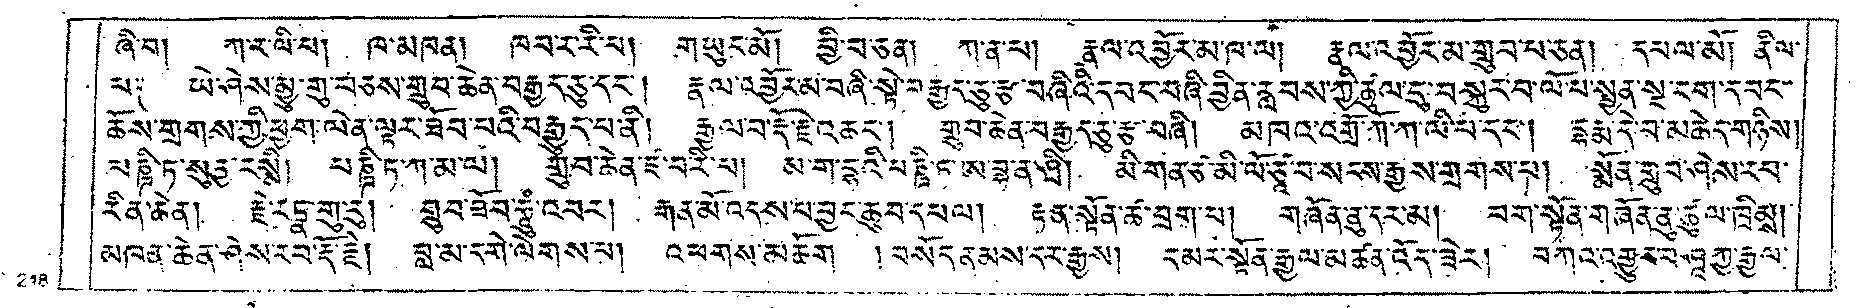ཞི་བ། ཀ་ར་ལི་པ། ཁ་མཁན། ཁབ་ར་རི་པ། གཡུང་མོ། བྱི་བ་ཅན། ཀ་ན་པ། རྣལ་འབྱོར་མ་ཁ་ལ། རྣལ་འབྱོར་མ་གྲུབ་པ་ཅན། དཔལ་མོ། ནི་ལ་
པ༑ ཡེ་ཤེས་མྱུ་གུ་བཅས་གྲུབ་ཆེན་བརྒྱད་ཅུ་དང་། རྣལ་འབྱོར་མ་བཞི་སྟེ་བརྒྱད་ཅུ་རྩ་བཞིའི་དབང་བཞི་བྱིན་རླབས་ཀྱི་ཚུལ་དུ་བསྐུར་བ་ལོ་པ་སྤྱན་སྔ་ངག་དབང་
ཆོས་གྲགས་ཀྱི་ཕྱག་ལེན་ལྟར་ཐོབ་པའི་བརྒྱུད་པ་ནི། རྒྱལ་བ་རྡོ་རྗེ་འཆང་། གྲུབ་ཆེན་བརྒྱད་ཅུ་རྩ་བཞི། མཁའ་འགྲོ་ཀོ་ཀ་ལི་པ་དང་། དྷརྨ་དེ་བ་མཆེད་གཉིས།
པཎྜི་ཏ་སུརྱ་རསྨི། པཎྜི་ཏ་ཀ་མ་ལ། གྲུབ་ཆེན་ཛ་བ་རི་པ། མ་ག་དྷའི་པཎྜི་ཏ་ཨ་བྷ་ན་ཤྲི། མི་གན་ཙ་མི་ལོ་ཙཱ་བ་སངས་རྒྱས་གྲགས་པ། སྨོན་གྲུབ་ཤེས་རབ་
རིན་ཆེན། རྗེ་རཏྣ་གུ་རུ། གྲུབ་ཐོབ་ཧཱུཾ་འབར། རྒན་མོ་འདས་པ་བྱང་ཆུབ་དཔལ། རྟན་སྟོན་ཚ་བྲག་པ། གཞོན་ནུ་དར་མ། བག་སྟོན་གཞོན་ནུ་ཚུལ་ཁྲིམས།
མཁན་ཆེན་ཤེས་རབ་རྡོ་རྗེ། བླ་མ་དགེ་ལེགས་པ། འཕགས་མཆོག །བསོད་ནམས་དར་རྒྱས། དམར་སྟོན་རྒྱལ་མཚན་འོད་ཟེར། བཀའ་འགྱུར་བ་ཤཱཀྱ་རྒྱལ་